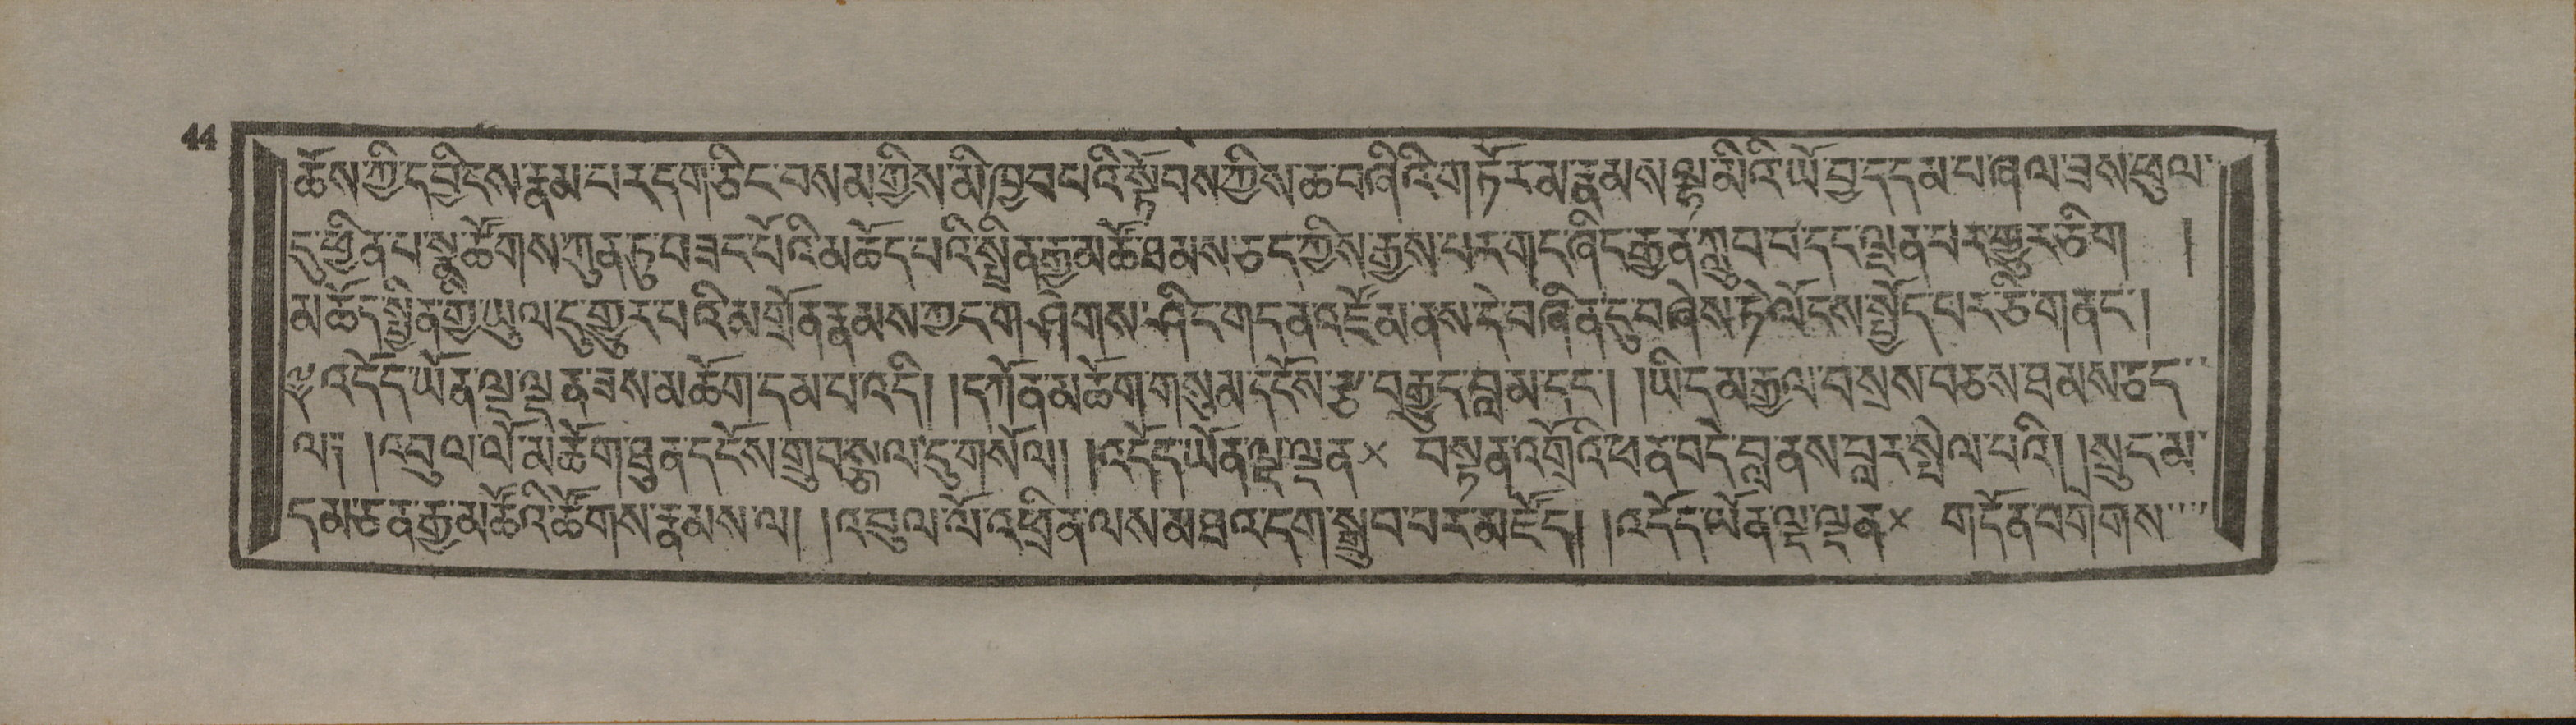ཆོས་ཀྱི་དབྱིངས་རྣམ་པར་དག་ཅིང་བསམ་གྱིས་མི་ཁྱབ་པའི་སྟོབས་ཀྱིས་ཆ་བཞིའི་གཏོར་མ་རྣམས་ལྷ་མིའི་ཡོ་བྱད་དམ་པ་ཞལ་ཟས་ཕུལ་
དུ་ཕྱིན་པ་སྣ་ཚོགས་ཀུན་ཏུ་བཟང་པོའི་མཆོད་པའི་སྤྲིན་རྒྱ་མཚོ་ཐམས་ཅད་ཀྱིས་རྒྱས་པར་གང་ཞིང་རྒྱན་ཀླུབ་པ་དང་ལྡན་པར་གྱུར་ཅིག །
མཆོད་སྦྱིན་གྱི་ཡུལ་དུ་གྱུར་པའི་མགྲོན་རྣམས་ཀྱང་གཤེགས་ཤིང་གདན་འཛོམ་ནས་དེ་བཞིན་དུ་བཞེས་ཏེ་ལོངས་སྤྱོད་པར་ཅི་གནང་།
༈ འདོད་ཡོན་ལྔ་ལྡན་ཟས་མཆོག་དམ་པ་འདི། །དཀོན་མཆོག་གསུམ་དངོས་རྩ་བརྒྱུད་བླ་མ་དང་། །ཡི་དམ་རྒྱལ་བ་སྲས་བཅས་ཐམས་ཅད་
ལ༑ །འབུལ་ལོ་མཆོག་ཐུན་དངོས་གྲུབ་སྩལ་དུ་གསོལ། །འདོད་ཡོན་ལྔ་ལྡན་ཟས་མཆོག་དམ་པ་འདི། །བསྟན་འགྲོའི་ཕན་བདེ་བླ་ནས་བླར་སྤེལ་པའི། །སྲུང་མ་
དམ་ཅན་རྒྱ་མཚོའི་ཚོགས་རྣམས་ལ། །འབུལ་ལོ་འཕྲིན་ལས་མཐའ་དག་སྒྲུབ་པར་མཛོད། །འདོད་ཡོན་ལྔ་ལྡན་ཟས་མཆོག་དམ་པ་འདི། །གདོན་བགེགས་